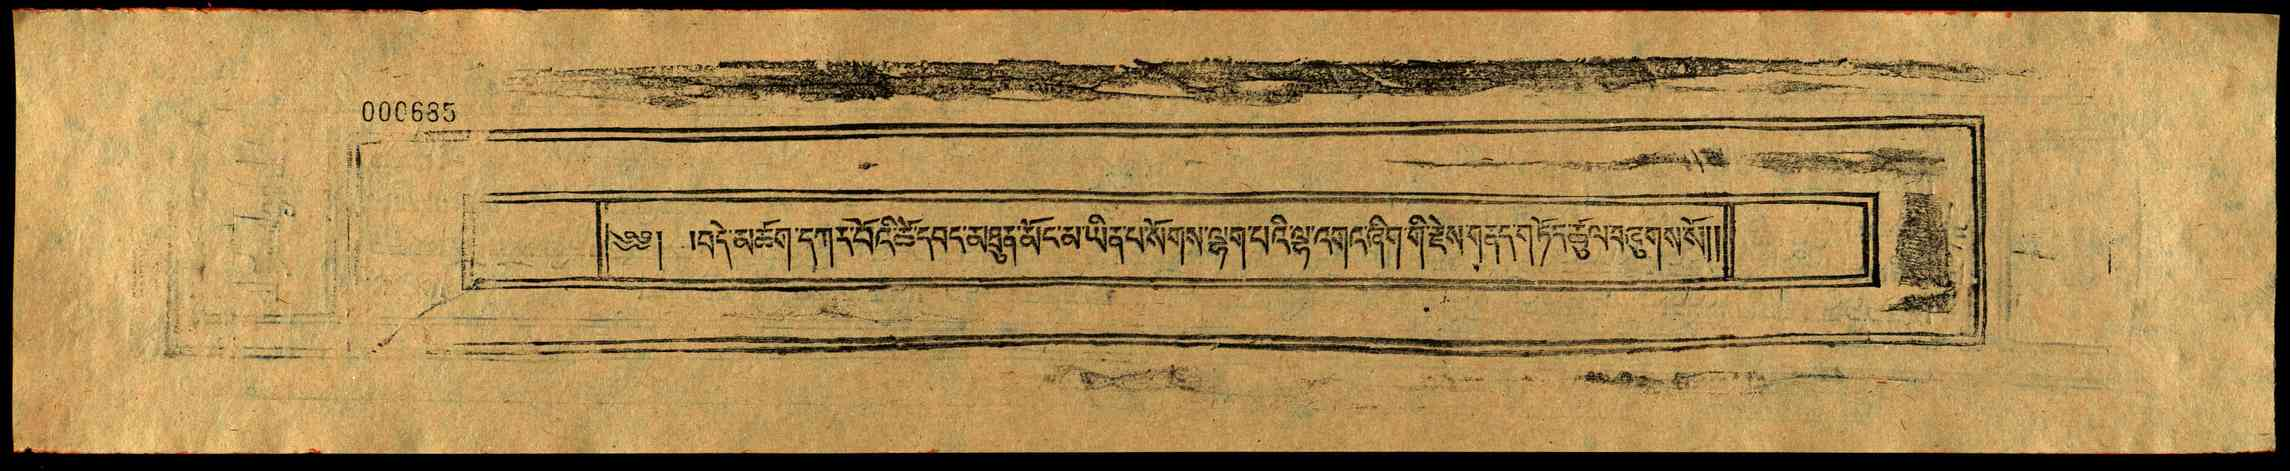༄༅། །བདེ་མཆོག་དཀར་པོའི་ཚེ་དབང་མཐུན་མོང་མ་ཡིན་པ་སོགས་ལྷག་པའི་ལྷ་འགའ་ཞིག་གི་རྗེས་གནང་གཏོང་ཚུལ་བཞུགས་སོ།།